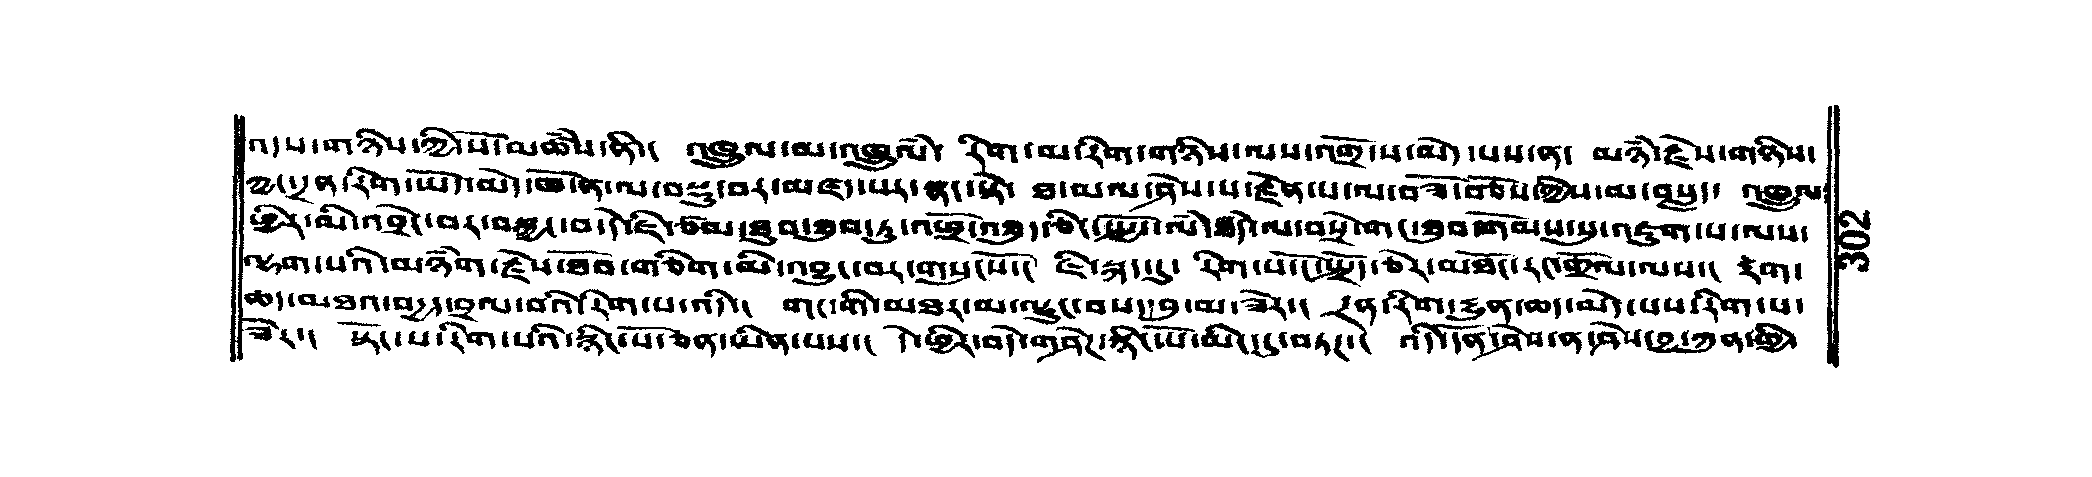འདས་གཉིས་ཀྱི་སོ་མཚམས་ནི། འཁྲུལ་མ་འཁྲུལ་ལམ། རིག་མ་རིག་གཉིས་ལས་འགྲོ་ས་མེད་པས་ན། མཉམ་རྗེས་གཉིས་
ཀྱང་དྲན་རིག་ཡོད་མེད་ཁོ་ན་ལ་བསྡུ་བར་མཛད་པར་སྣང་སྟེ།ཐ་མལ་ཤེས་པ་རྗེན་པ་ལ་བཟོ་བཅོས་ཀྱིས་མ་བསླད། འཁྲུལ་
ཕྱིར་མི་འབྲེང་བར་བསྐྱང་བ་དེ་ཇི་ཙམ་ཐུབ་ཐུབ་ཏུ་འཕྲོ་འཐུད་ཅིང་སྤྱོད་ལམ་ཐམས་ཅད་ལ་བསྲེ་གང་ཐུབ་གོམས་སུ་འཇུག་པ་ལས། 
ལྷག་པའི་མཉམ་བཞག་རྗེས་ཐོབ་གཅིག་མི་འབྱུང་བར་གསུངས་སོ། ཇི་སྐད་དུ་རིག་པ་ངོ་སྤྲོད་ཅེར་མཐོང་རང་གྲོལ་ལས། རྟག་
ཆད་མཐའ་བརྒྱད་བྲལ་བའི་རིག་པ་འདི། །གང་གི་མཐར་མ་ལྷུང་བས་དབུ་མ་ཟེར། །དྲན་རིག་རྒྱུན་ཆད་མེད་པས་རིག་པ་
ཟེར། །སྟོང་པ་རིག་པའི་སྙིང་པོ་ཅན་ཡིན་པས། །དེ་ཕྱིར་བདེ་གཤེགས་སྙིང་པོ་མིང་དུ་བཏགས། །འདི་དོན་ཤེས་ན་ཤེས་བྱ་ཀུན་གྱི་